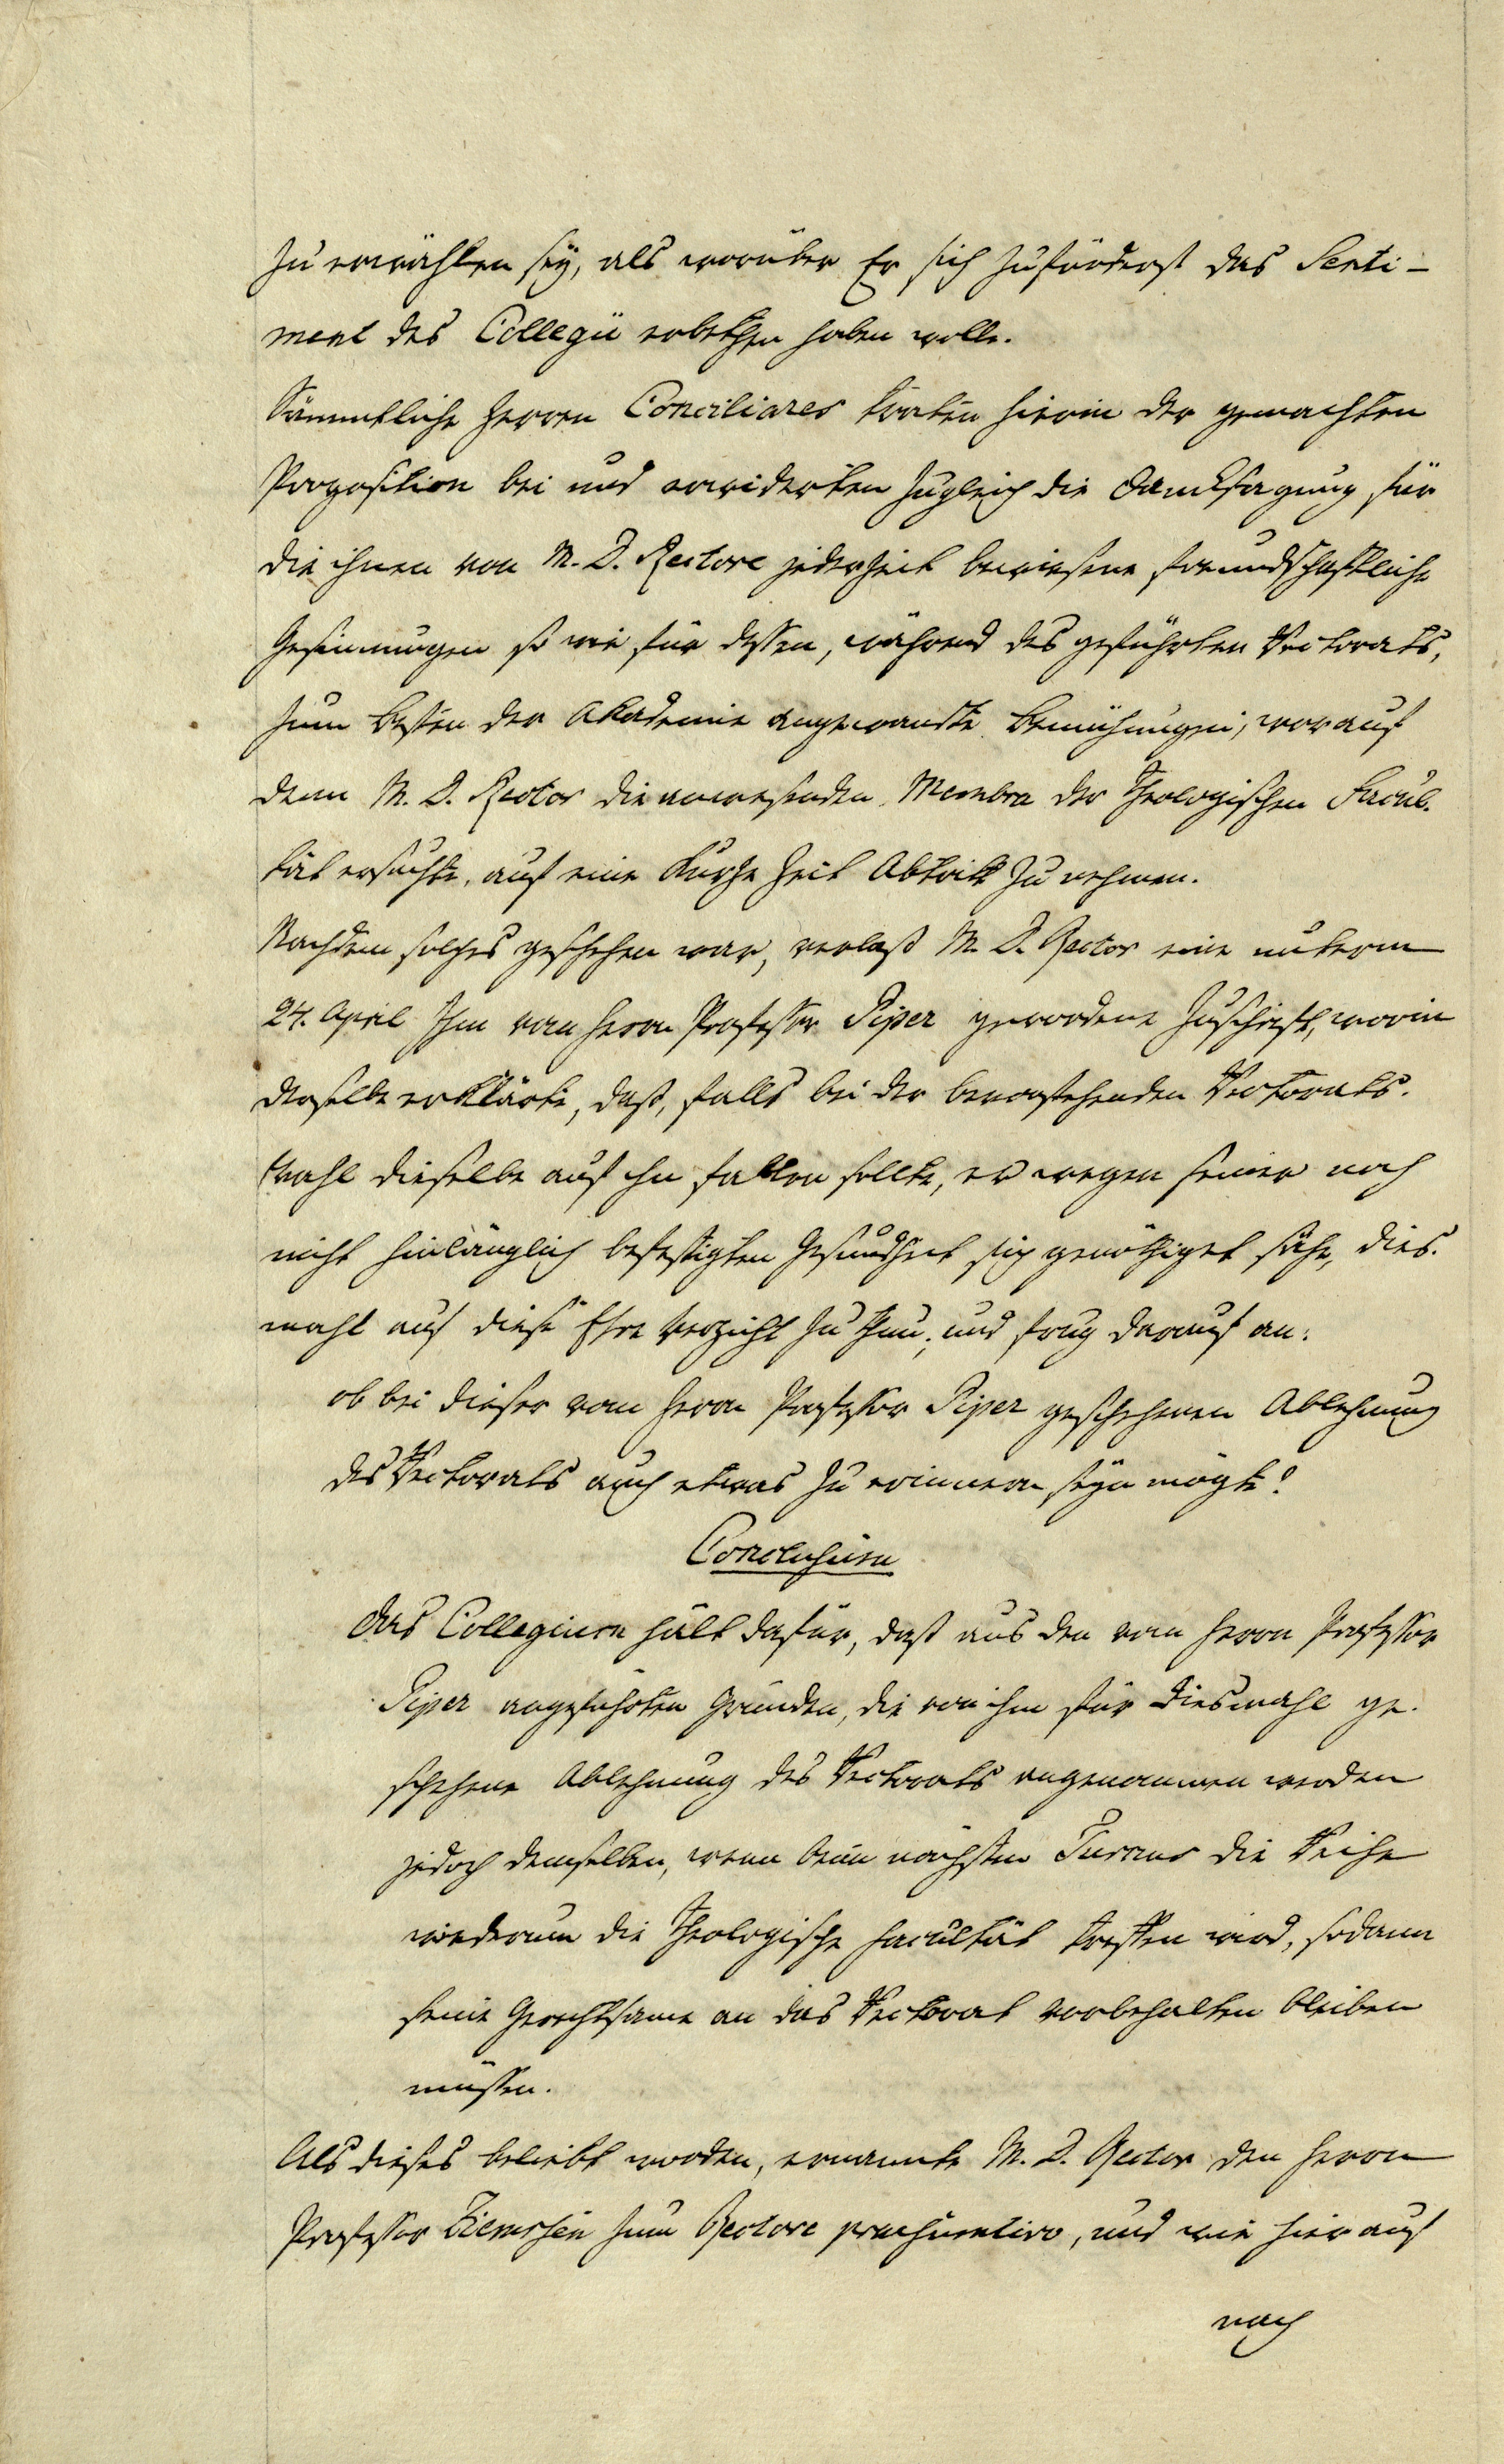zu erwählen seÿ, als worüber Er sich zuförderst das Senti¬
ment des Collegii erbethen haben wolle.
Sämmtliche Herren Conciliares traten hierin der gemachten
Proposition bei und erwiderten zugleich die Dancksagung für
die ihnen von M. D. Rectore jederzeit bewiesene freundschaftliche
Gesinnungen so wie für dessen, während des geführten Rectorats,
zum Besten der Akademie angewandte Bemühungen, worauf
dem M. D. Rector die anwesenden Membra der Theologischen Facul¬
tät ersuchte, auf eine kurze Zeit Abtritt zu nehmen.
Nachdem solches geschehen war, verlaß M. D. Rector eine unterm
24. April Ihm von Herrn Professor Piper gewordene Zuschrift, worin
derselbe erklärte, daß, falls bei der bevorstehenden Rectorats¬
Wahl dieselbe auf ihn fallen sollte, er wegen seiner noch
nicht hinlänglich befestigten Gesundheit sich genöthiget sähe, dies¬
mahl auf diese Ehre Verzicht zu thun; und frug darauf an:
ob bei dieser vom Herrn Professor Piper geschehenen Ablehnung
des Rectorats auch etwas zu erinnern seÿn mögte?
Conclusum
Das Collegium hält dafür, daß aus den vom Herrn Professor
Piper angeführten Gründen, die von ihm für diesmahl ge¬
schehene Ablehnung des Rectorats angenommen werden
jedoch demselben, wenn beim nächsten Turnus die Reihe
wiederum die Theologische Facultät treffen wird, sodann
seine Gerechtsame an das Rectorat vorbehalten bleiben
müssen.
Als dieses beliebt worden, ernannte M. D. Rector den Herrn
Professor Ziemssen zum Rectore praesumtivo, und wie hierauf
nach